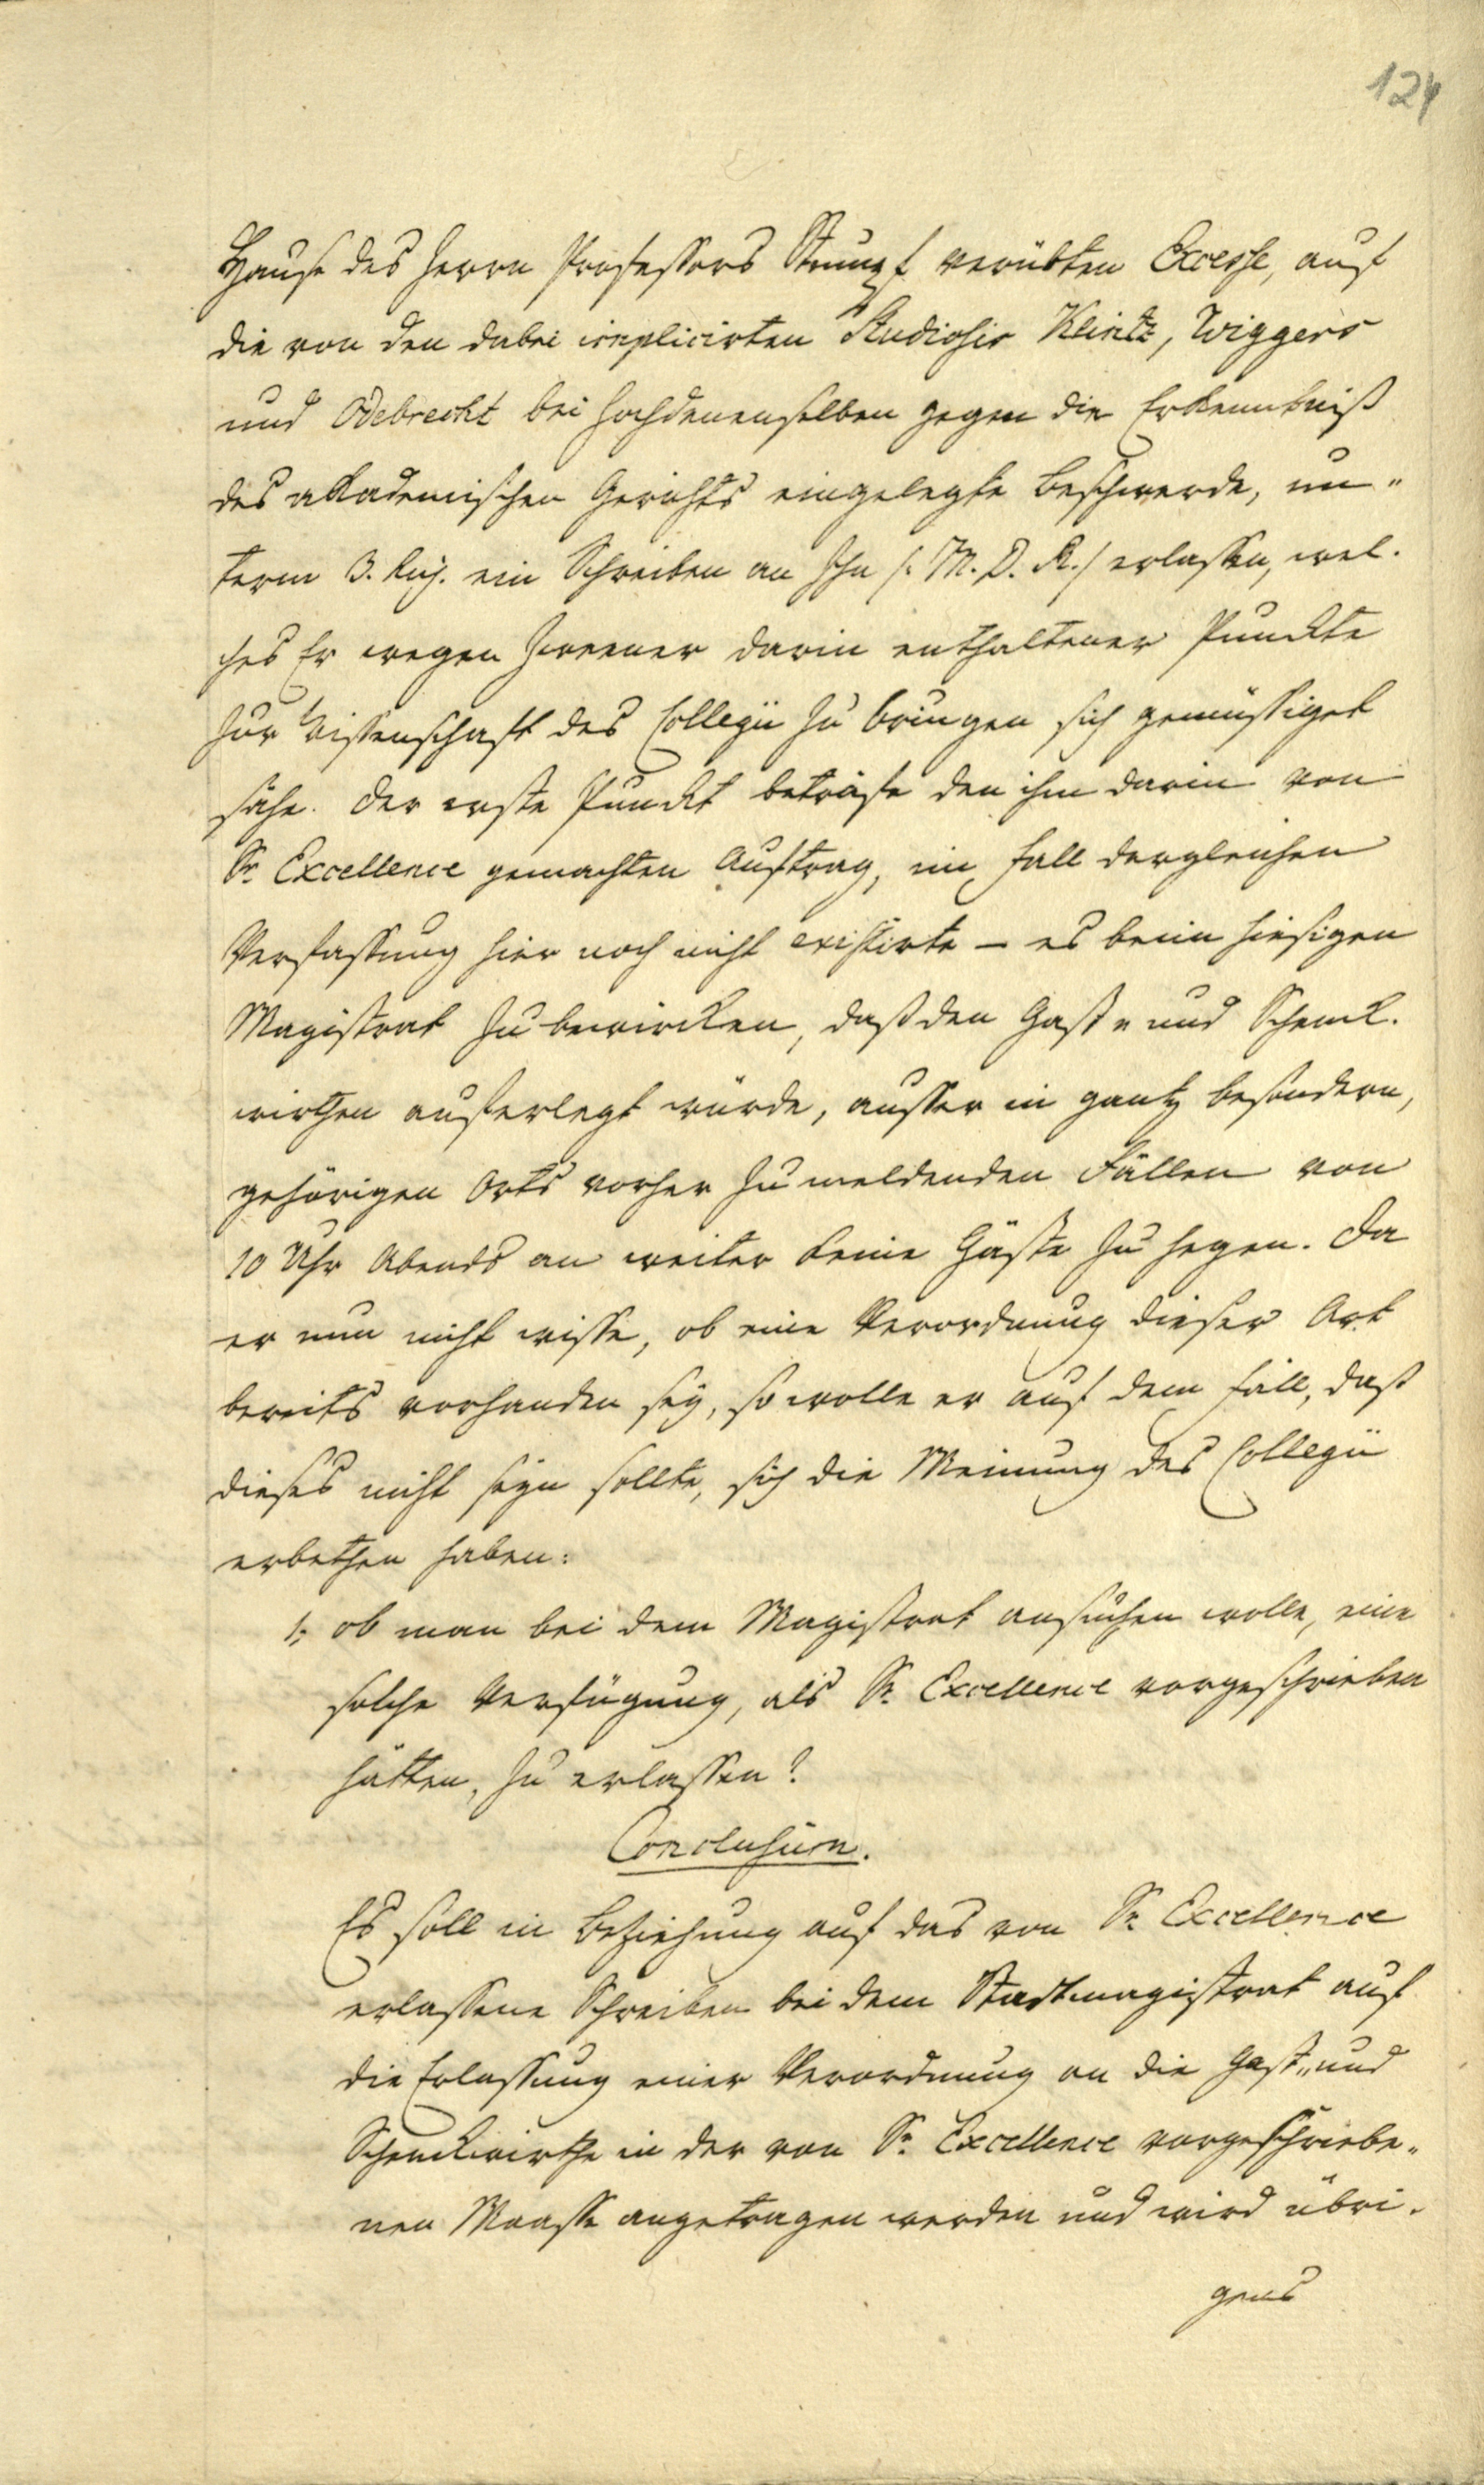Hause des Herrn Professors Stumpf verübten Excesse, auf
die von den dabei implicirten Studiosis Klintz, Wiggers
und Odebrecht bei hochdenenselben gegen die Erkenntniß
des akademischen Gerichts eingelegte Beschwerde, un¬
term 3. huj. ein Schreiben an Ihn /: M. D. R./ erlassen, wel¬
ches Er wegen zweener darin enthaltener Punckte
zur Wissenschaft des Collegii zu bringen sich gemüssiget
sähe. Der erste Punckt beträfe den ihm darin von
Sr. Excellence gemachten Auftrag, im Fall dergleichen
Verfassung hier noch nicht existirte - es beim hiesigen
Magistrat zu bewircken, daß den Gast- und Schenck¬
wirthen auferlegte würde, ausser in gantz besondern,
gehörigen Orts vorher zu meldenden Fällen von
10 Uhr Abends an weiter keine Gäste zu hegen. Da
er nun nicht wisse, ob eine Verordnung dieser Art
bereits vorhanden seÿ, so wolle er auf dem Fall, daß
dieses nicht seÿn sollte, sich die Meinung des Collegii
erbethen haben:
1. ob man bei dem Magistrat ansuchen wolle, eine
solche Verfügung, als Sr Excellence vorgeschrieben
hätten, zu erlassen?
Conclusum
Es soll in Beziehung auf das von Sr Excellence
erlassene Schreiben bei dem Stadtmagistrat auf
die Erlassung einer Verordnung an die Gast- und
Schenckwirthe in der von Sr Excellence vorgeschriebe¬
nen Maasse angetragen werden und wird übri¬
gens